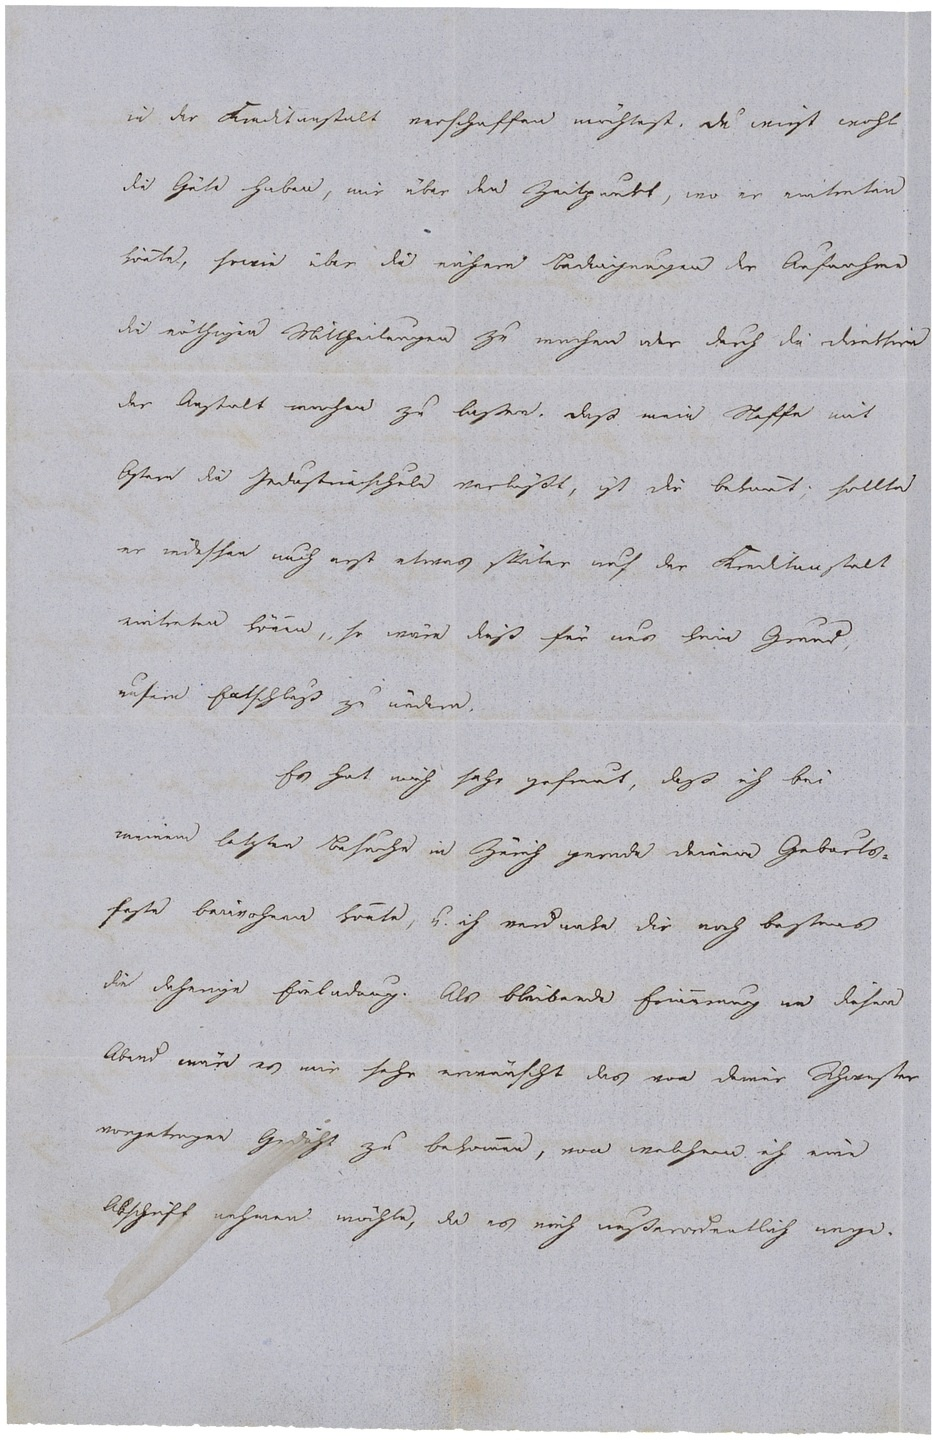in der Kreditanstalt verschaffen möchtest. Du wirst wohl
die Güte haben, mir über den Zeitpunkt, wo er eintreten
könnte, sowie über die nähern Bedingungen der Aufnahme
die nöthigen Mittheilungen zu machen oder durch die Direktion
der Anstalt machen zu laßen. Daß mein Neffe mit
Ostern die Industrieschule verläßt, ist Dir bekannt; sollte
er indessen auch erst etwas später auf der Kreditanstalt
eintreten können, so wäre dieß für uns kein Grund,
unsern Entschluß zu ändern.
Es hat mich sehr gefreut, daß ich bei
meinem letzten Besuche in Zürich gerade Deinem Geburts-
feste beiwohnen konnte, u. ich verdanke Dir noch bestens
die daherige Einladung. Als bleibende Erinnerung an diesen
Abend wäre es mir sehr erwünscht das von Deiner Schwester
vorgetragne Gedicht zu bekommen, von welchem ich eine
Abschrift nehmen möchte, da es mich außerordentlich ange-